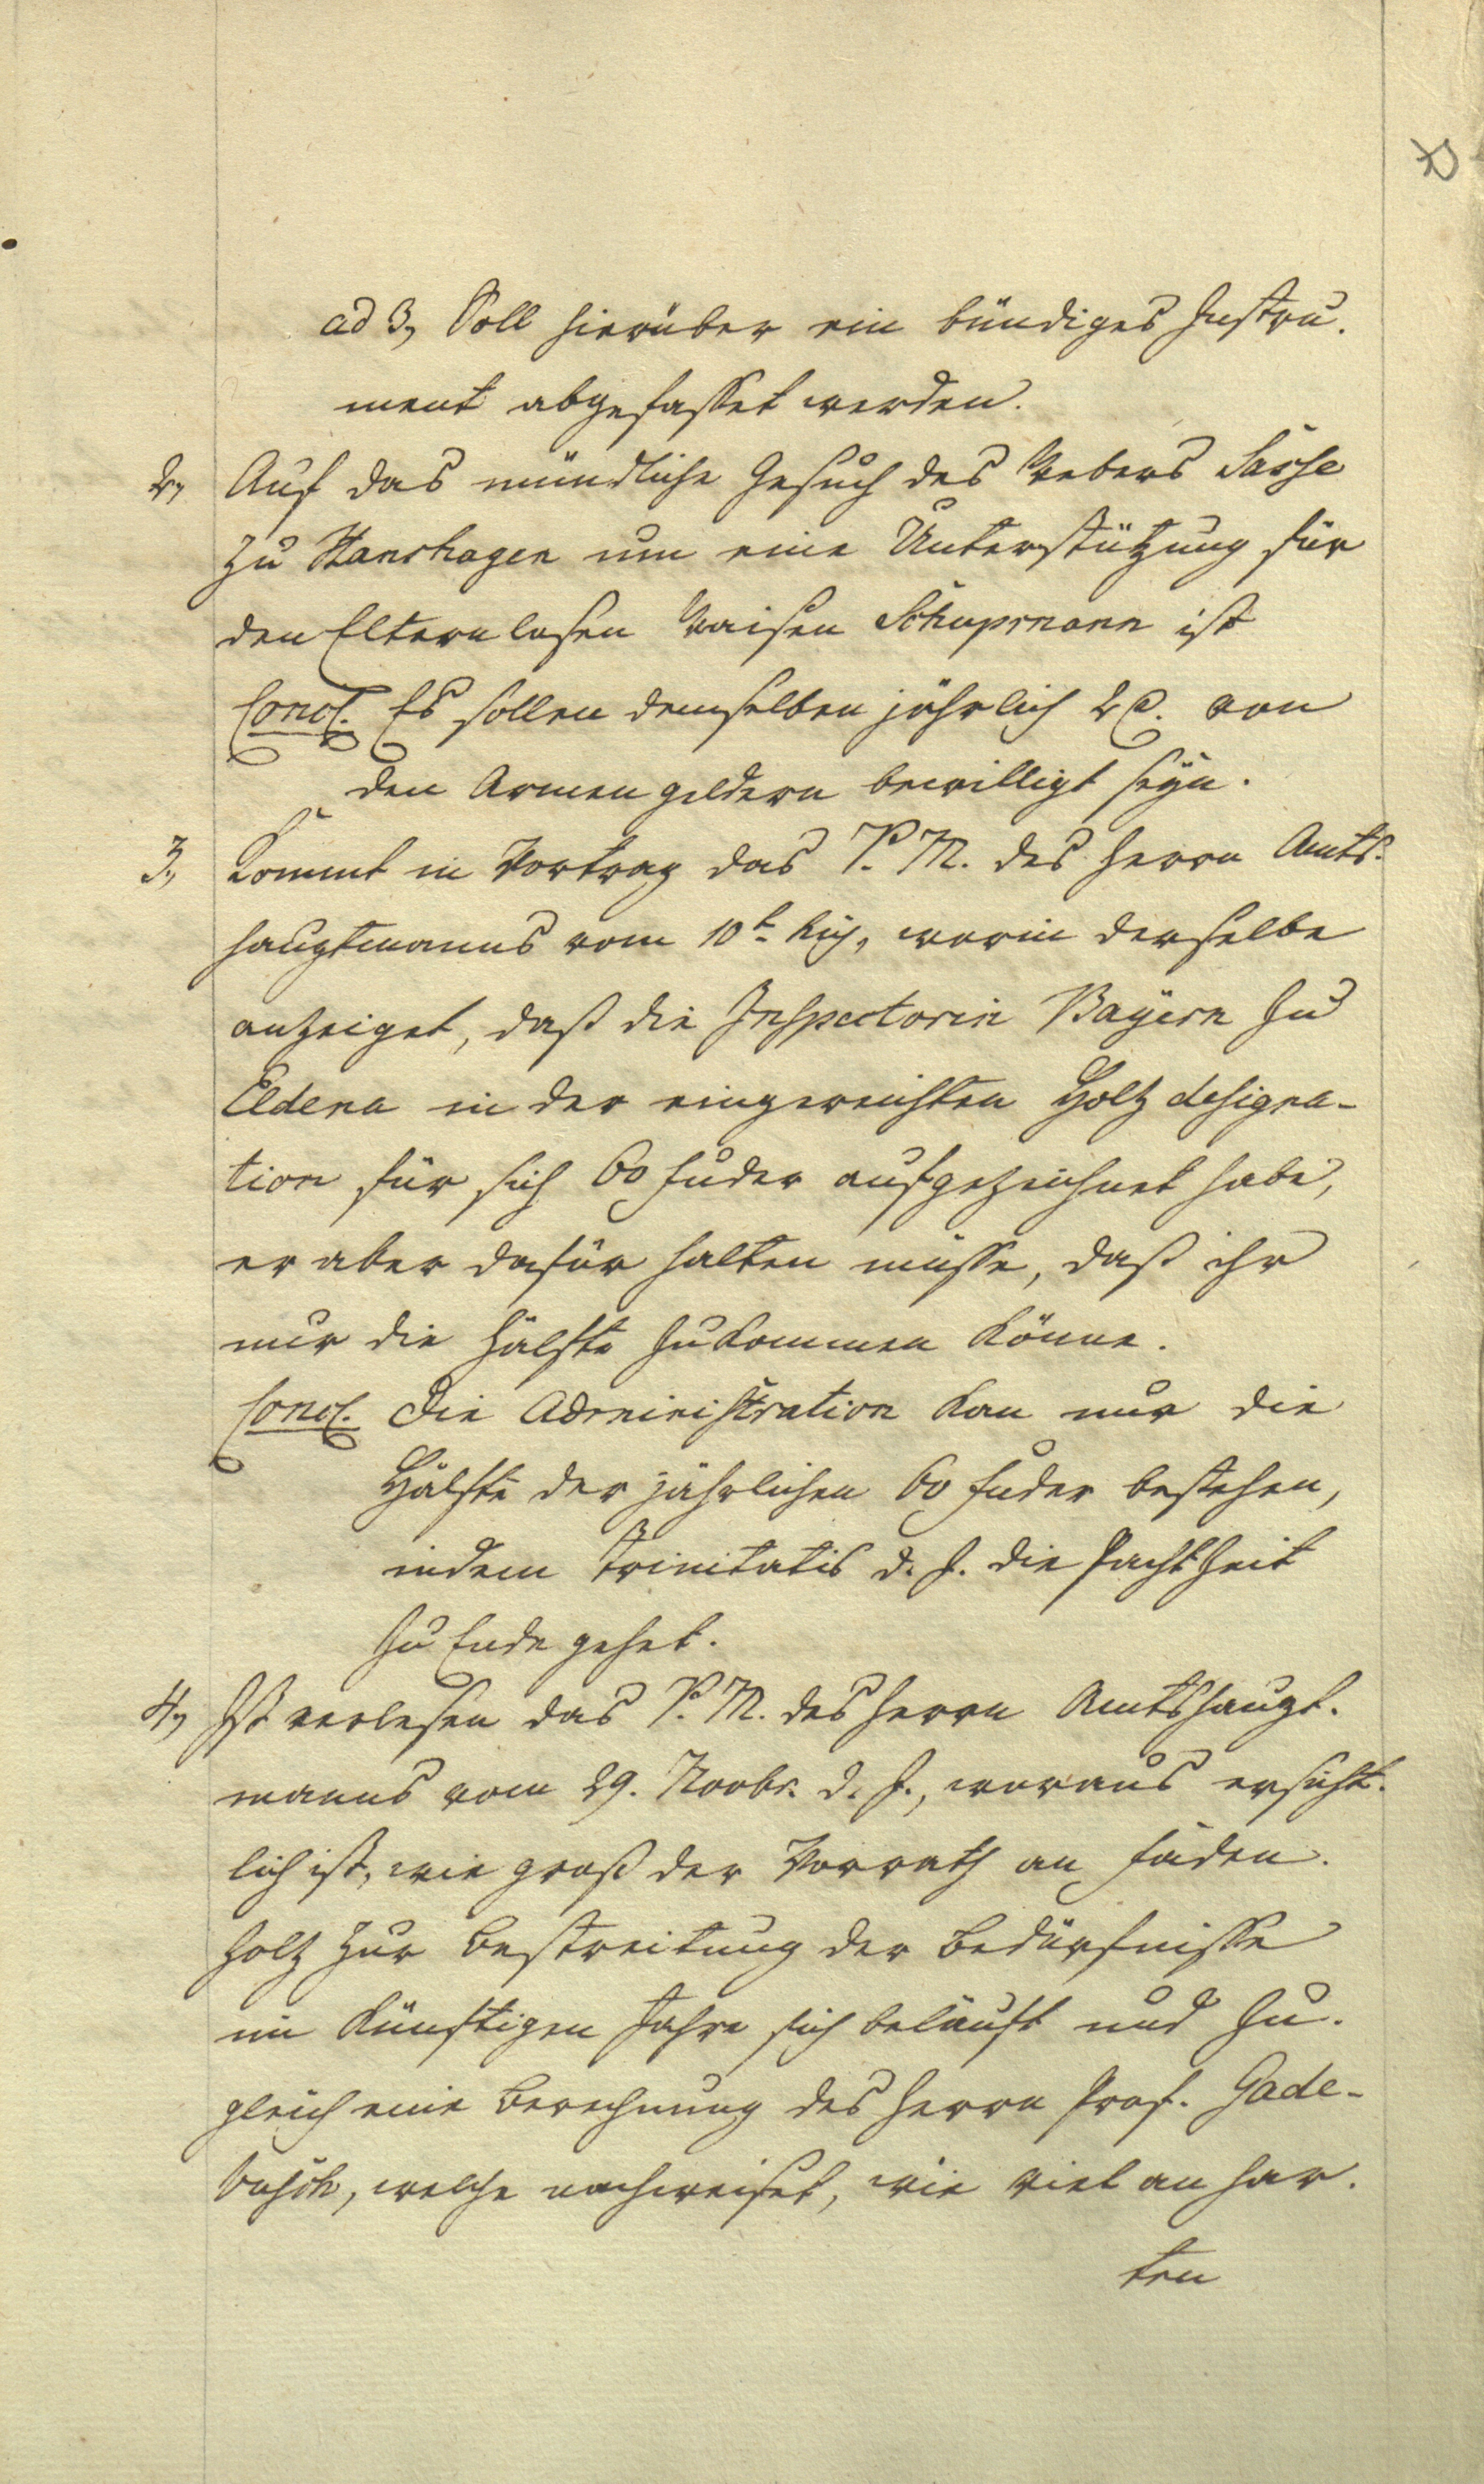ad 3., soll hierüber ein bündiges Instru¬
ment abgefasset werden.
2., Auf das mündliche Gesuch des Webers Sasse
zu Hanshagen um eine Unterstützung für
den Eltern losen Waisen Schupmann ist
Concl. Es sollen demselben jährlich 2 l. von
in Armengeldern bewilligt seÿn.
3. Kommt in Vortrag das P. M. des Herrn Amts¬
hauptmanns vom 10 t. huj., worin derselbe
anzeiget, daß die Inspectorin Baÿern zu
Eldena in der eingereichten Holz designa¬
tion für sich 60 Fuder aufgezeichnet habe,
er aber dafür halten müsse, daß ihr
nur die Hälfte zukommen könne.
Concl. Die Administration kan nur die
Hälfte der jährlichen 60 Fuder bestehen,
indem Trinitatis d. J. die Pachtzeit
zu Ende gehabt.
4., Ist verlesen das P. M. des Herrn Amtshaupt¬
manns vom 29. Novbr. d. J., woraus ersicht¬
lich ist, wie groß der Vorrath an Faden¬
holz zur Bestreitung der Bedürfnisse
im künftigen Jahre sich beläuft und zu¬
gleich eine Berechnung des Herrn Prof. Gade¬
busch, welche nachweiset, wie viel an har¬
ten